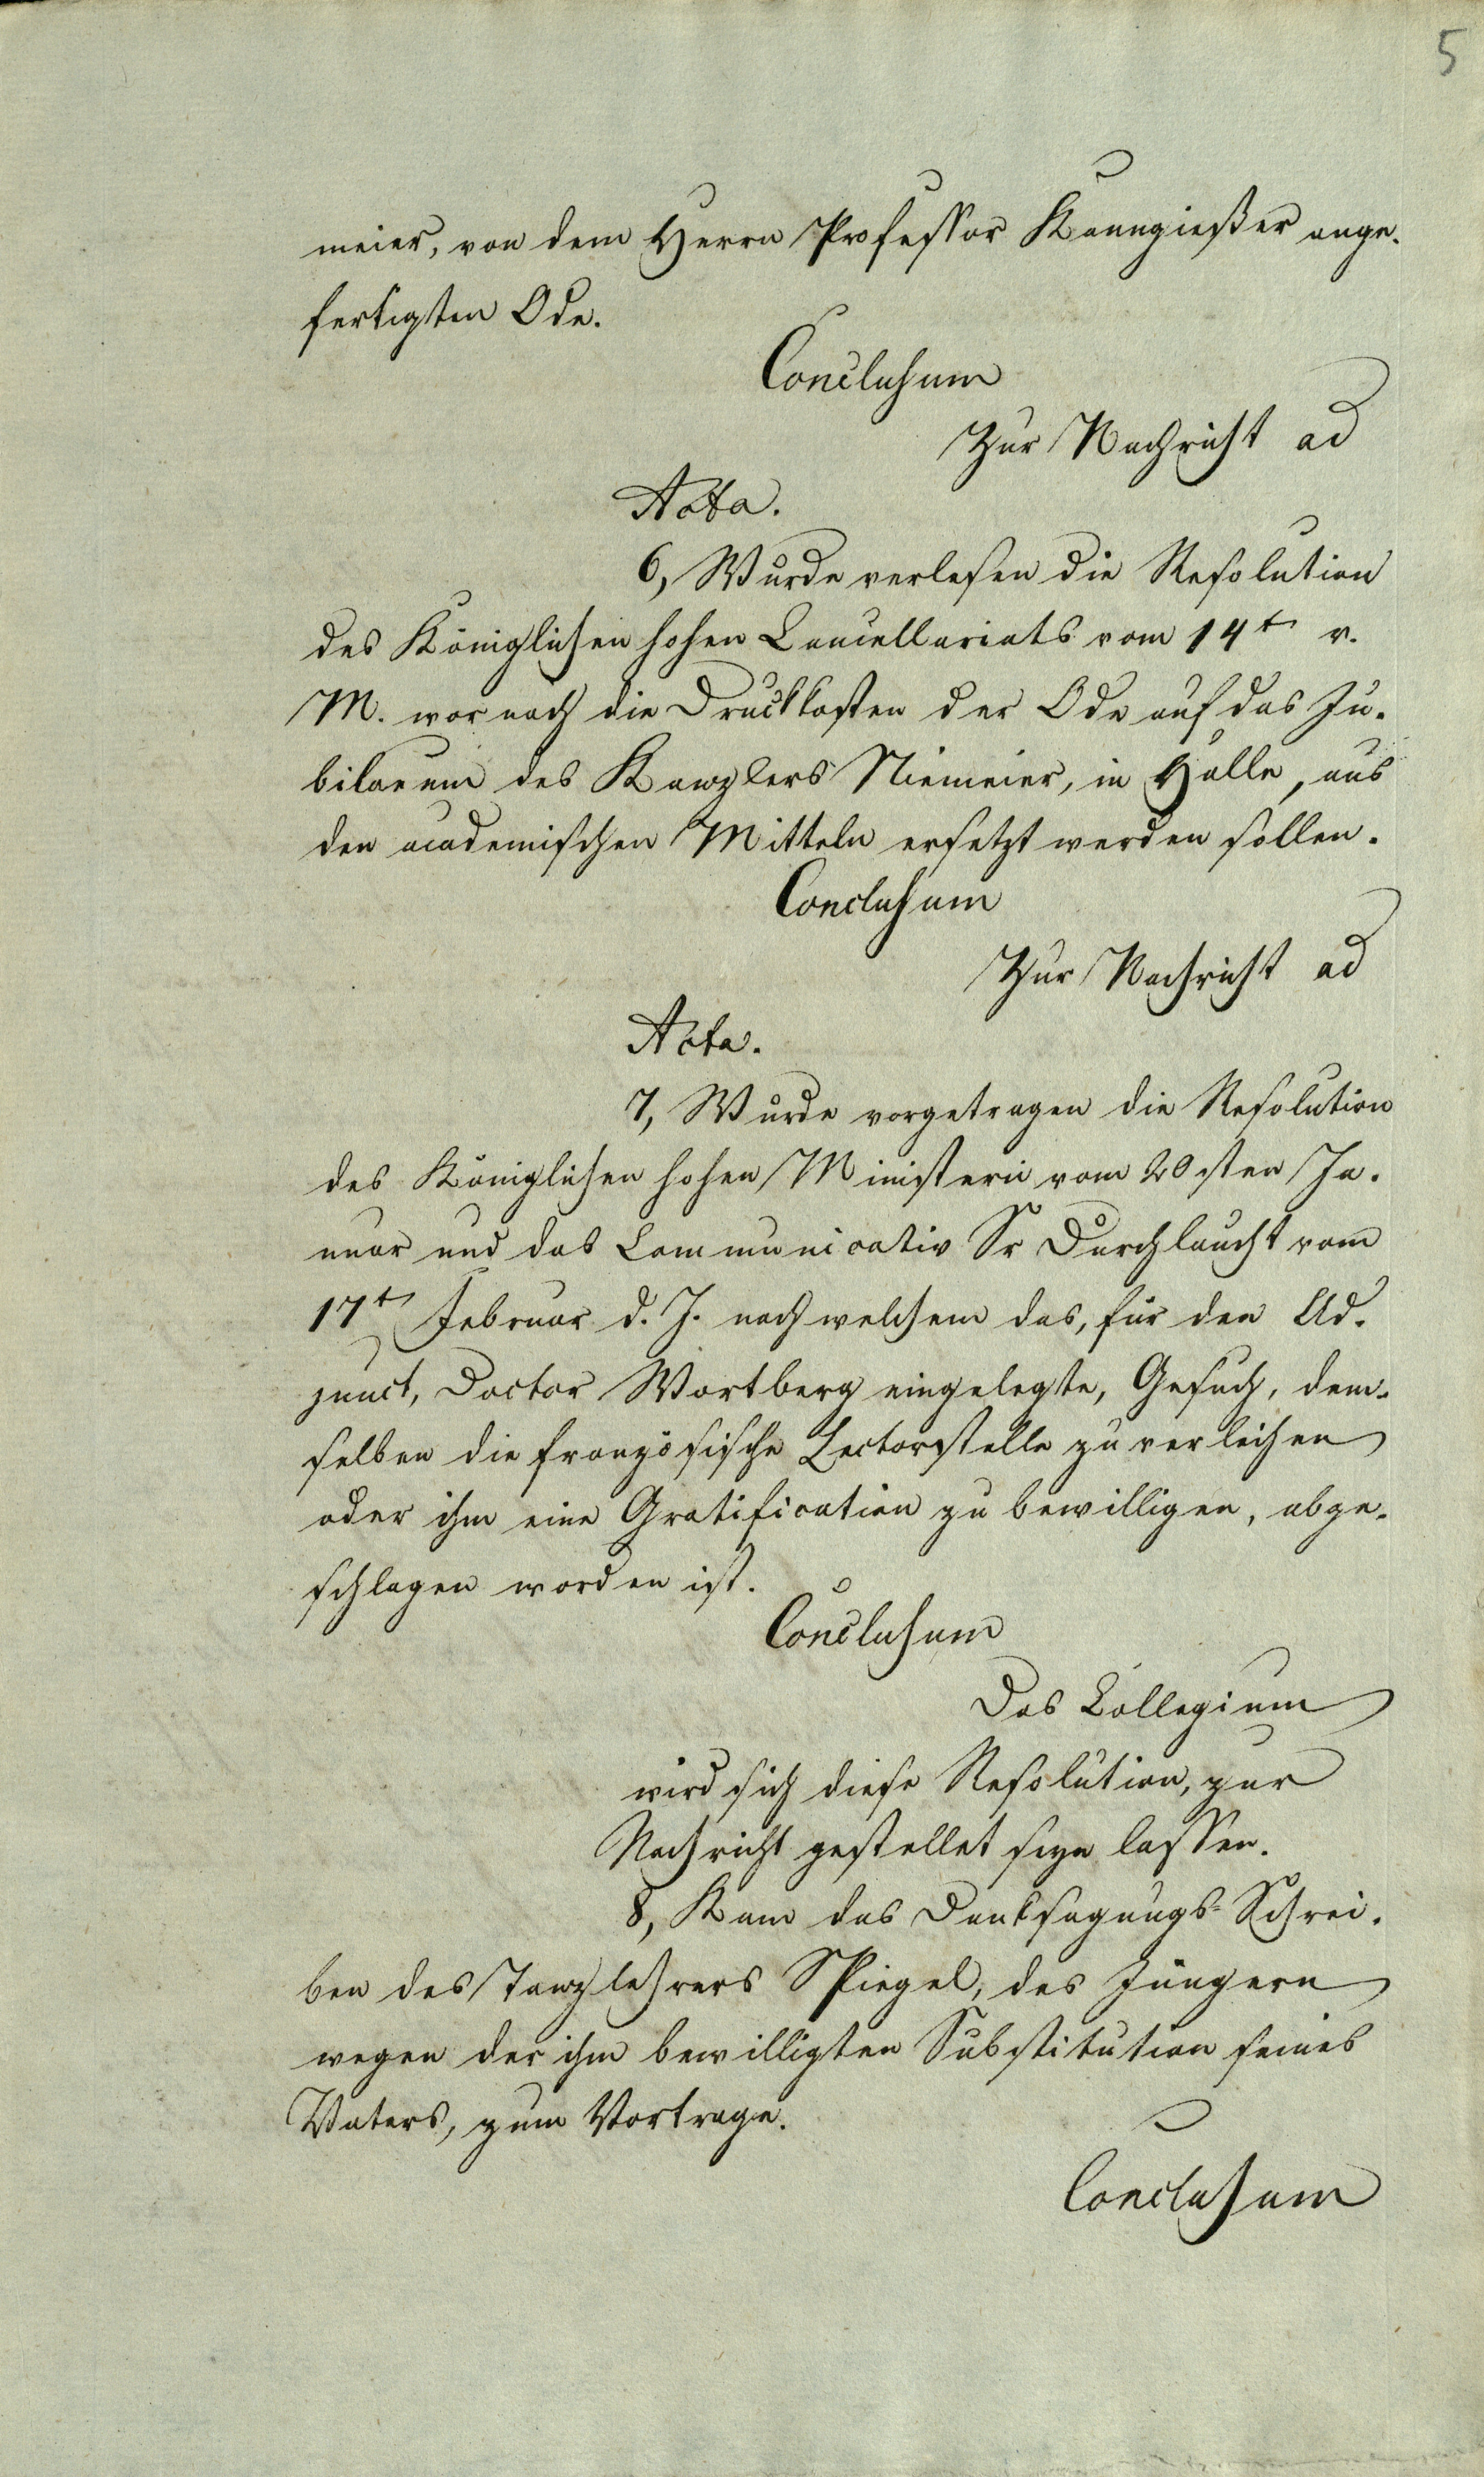meier, von dem Herrn Professor ange¬
fertigten Ode.
Conclusum
Zur Nachricht ad
Acta.
6, Wurde verlesen die Resolution
des Königlichen hohen Cancellariats vom 14ten v.
M. wor nach die Druckkosten der Ode auf das Ju¬
bilaeum des Kanzlers Niemeier, in Halle, aus
den academischen Mitteln ersetzt werden sollen.
Conclusum
Zur Nachricht ad
Acta.
7, Wurde vorgetragen die Resolution
des Königlichen hohen Ministerii vom 20ten Ja¬
nuar und das Communicativ Sr Durchlaucht vom
17ten Februar d. J. nach welchem das, für den Ad¬
junct, Doctor Wortberg eingelegte, Gesuch, dem¬
selben die französiche Lectorstelle zu verleihen
oder ihm eine Gratification zu bewilligen, abge¬
schlagen worden ist.
Conclusum
Das Collegium
wird sich diese Resolution, zur
Nachricht gestellet seyn lassen.
8, Kam das Danksagungs-Schrei¬
ben des Tanzlehrers Spiegel, des Jüngern
wegen der ihm bewilligten Substitution seines
Vaters, zum Vortrage.
Conclusum